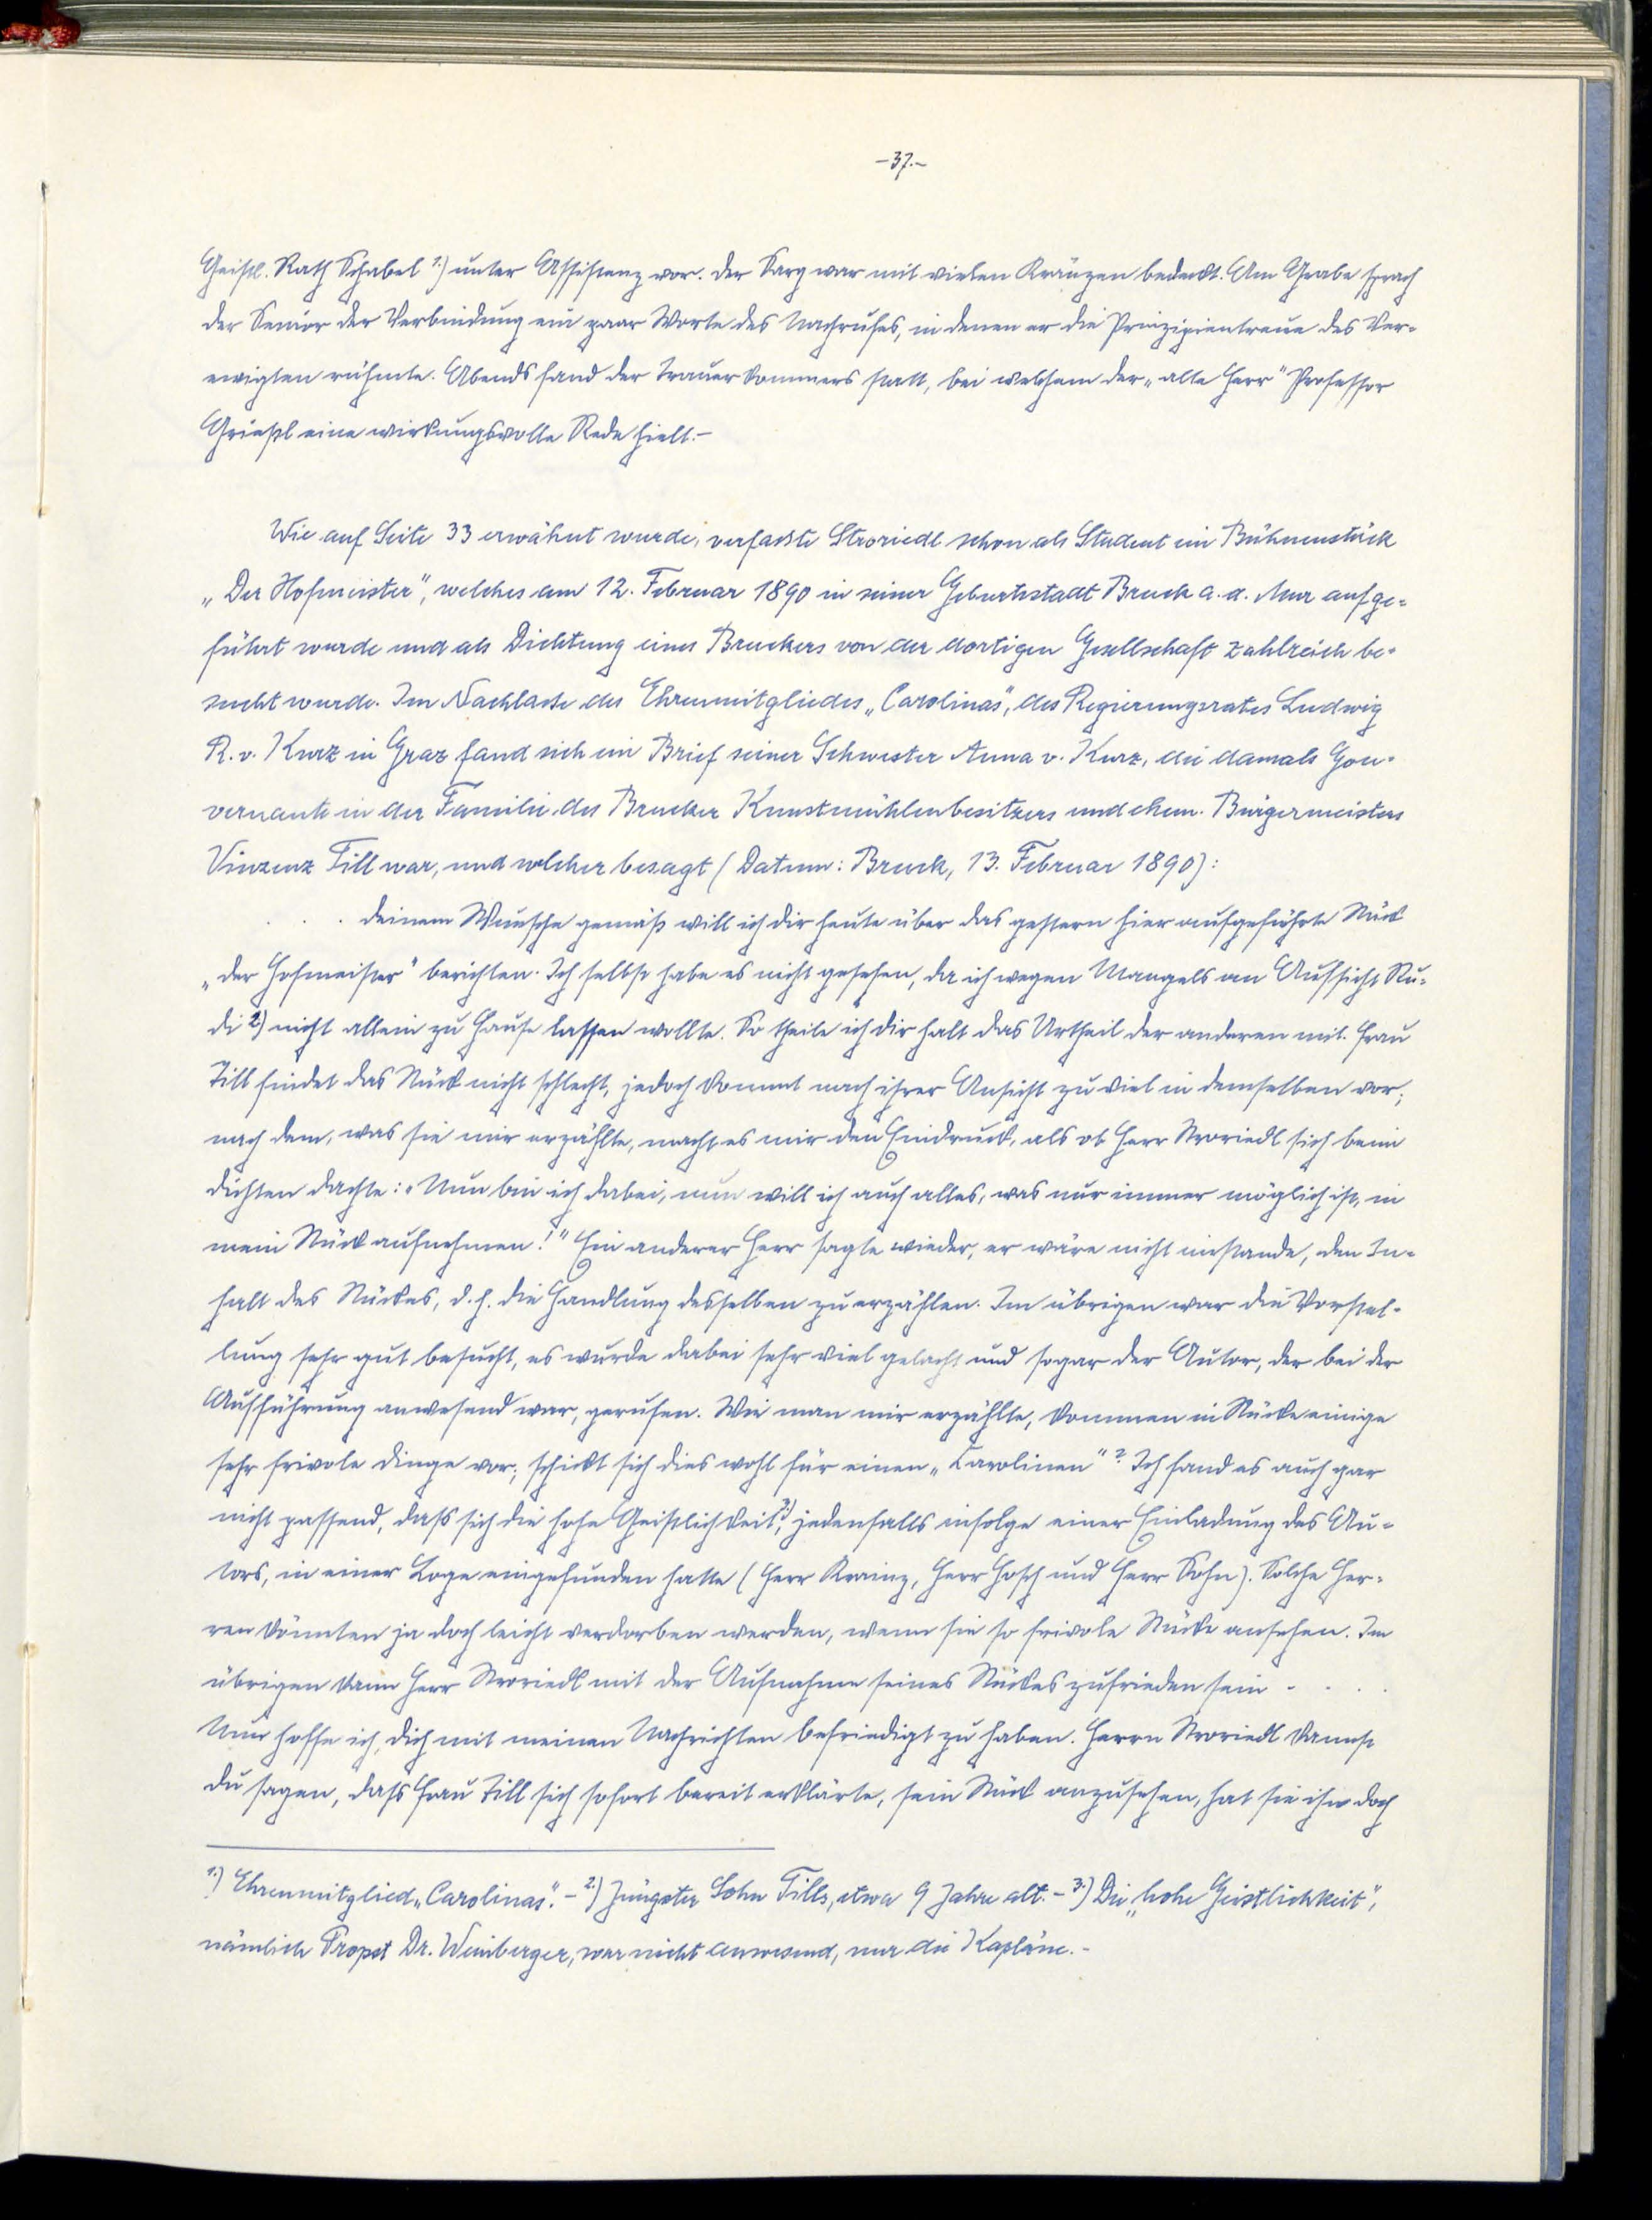37.
Geistl. Rath Schabel 1.) unter Assistenz vor. Der Sarg war mit vielen Kränzen bedeckt. Am Grabe sprach
der Senior der Verbindung ein paar Worte des Nachrufes, in denen er die Prinzipientreue des Ver-
ewigten rühmte. Abends fand der Trauerkommers statt, bei welchem der "alte Herr" Professor
Grießl eine wirkungsvolle Rede hielt.-
Wie auf Seite 33 erwähnt wurde, verfasste Stroriedl schon als Student ein Bühnenstück
"Der Hofmeister", welches am 12. Februar 1890 in seiner Geburtsstadt Bruck a. d. Mur aufge-
führte wurde und als Dichtung eines Bruckers von der dortigen Gesellschaft zahlreich be-
sucht wurde. Im Nachlaße des Ehrenmitglieder „Carolinas, des Regierungsrates Ludwig
R. v. Kurz in Graz fand sich ein Brief seiner Schwester Anna v. Kurz, die damals Gou-
vernante in der Familie des Brucker Kustmühlenbesitzers und ehem. Bürgermeisters
Vinzenz Till war, und welcher besagt (Datum: Bruck, 13. Februar 1890):
Deinem Wunsche gemäß will ich dir heute über das gestern hier aufgeführte Stück
"Der Hofmeister“ berichten. Ich selbst habe es nicht gesehen, da ich wegen Mangels an Aufsicht Ru-
di nicht allein zu Hause lassen wollte. So teile ich dir halt das Urteil der anderen mit. Frau
Till findet das Stück nicht schlecht, jedoch kommt nach ihrer Ansicht zu viel in demselben vor;
nach dem, was sie mir erzählte, macht es mir den Eindruck, als ob Herr Stroriedl sich beim
dichten dachte: Nun bin ich dabei, nun will ich auch alles, was nur immer möglich ist in
mein Stück aufnehmen!" Ein anderer Herr sagte wieder, er wäre nicht imstande, den In-
halt des Stückes, d. h. die Handlung desselben zu erzählen. Im übrigen war die Vorstel-
lung sehr gut besucht, es wurde dabei sehr viel gelacht und sogar der Autor, der bei der
Aufführung anwesend war, gerufen. Wie man mir erzählt, kommen im Stück einige
sehr frivole Dinge vor; schickt sich dies wohl für einen "Carolinen" ? Ich fand es auch gar
nicht passend, dass sich die hohe Geistlichkeit 3.), jedenfalls infolge einer Einladung des Au-
tors, in einer Loge eingefunden hatte (Herr Krainz, Herr Hoch und Herr Sohn). Solche Her-
ren könnten ja doch leicht verdorben werden, wenn sie so frivole Stücke ansehen. Im
übrigen kann Herr Stroriedl mit der Aufnahme seines Stückes zufrieden sein.
Nun hoffe ich, dich mit meinen Nachrichten befriedigt zu haben. Herrn Stroriedl kannst
du sagen, dass Frau Till sich sofort bereit erklärte, sein Stück anzusehen hat sie ihn doch
1.) Ehrenmitglied "Carolinas“.- 2.) Jüngster Sohn Tills, etwa 9 Jahre alt.- 3.) Die "hohe Geistlichkeit",
nämlich Propst Dr. Weinberger, war nicht anwesend, nur die Kapläne.-